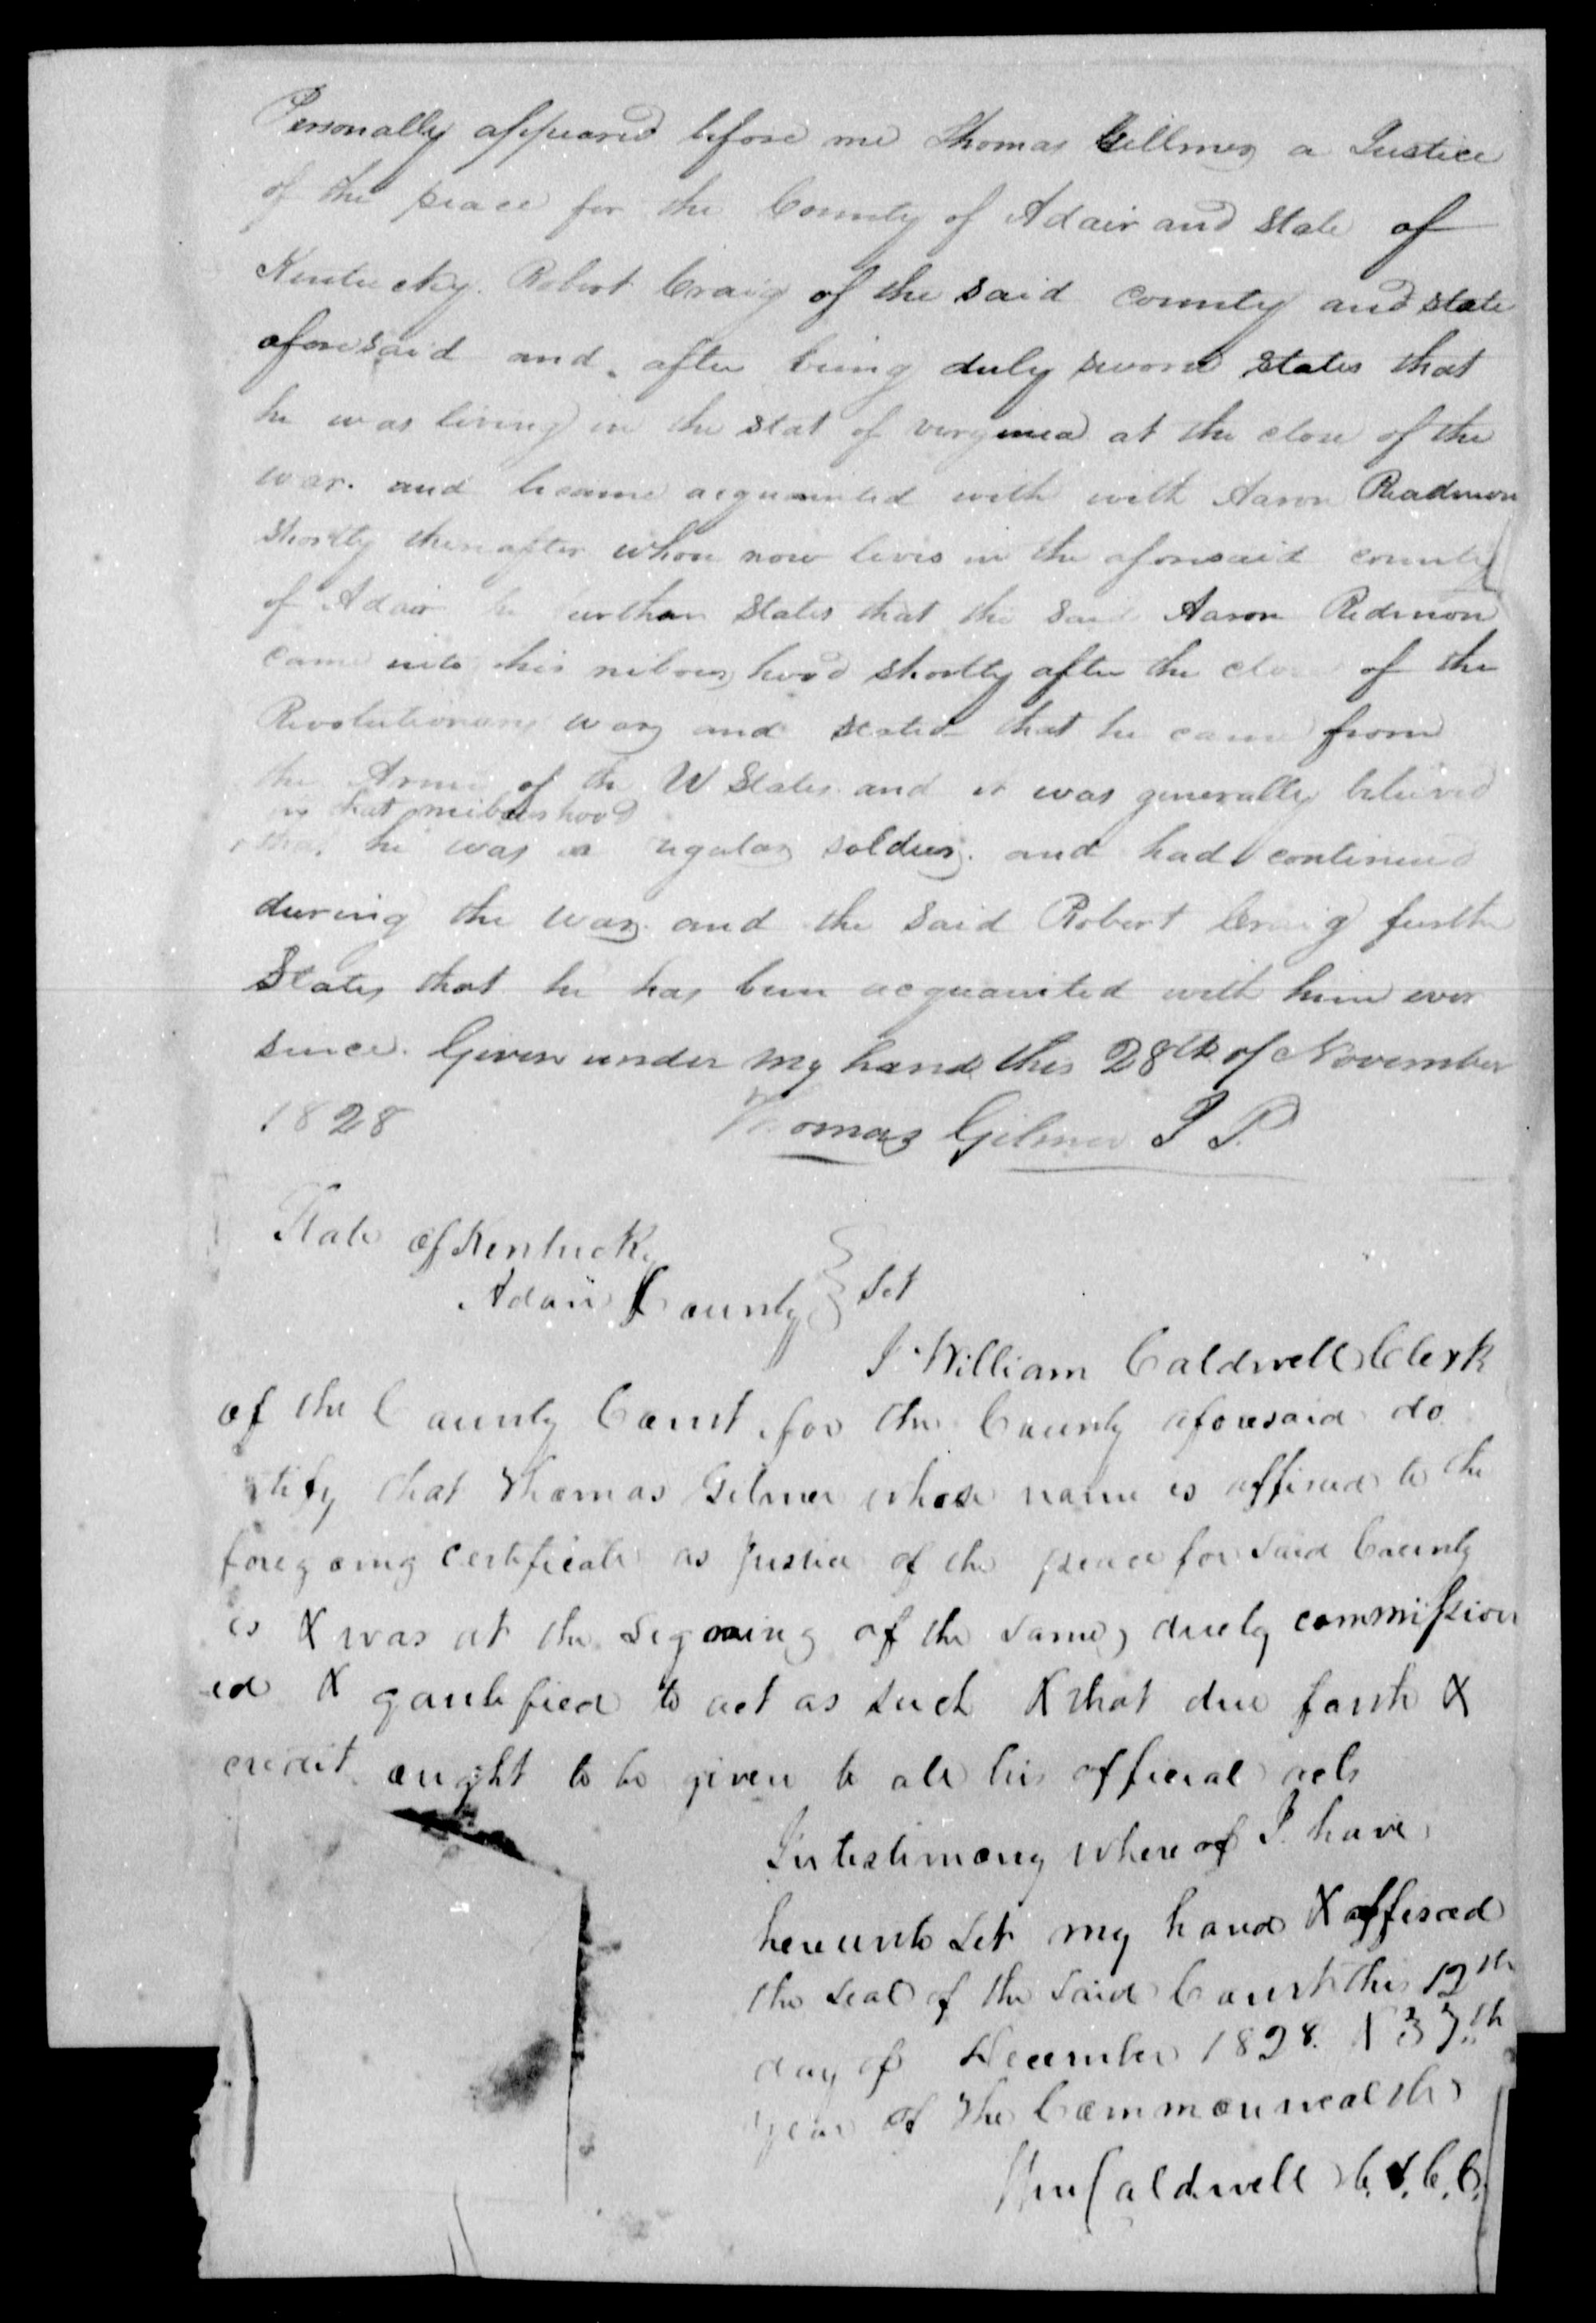Personally appeared before me Thomas Gillmer a Justice
of the peace for the County of Adair and State of
Kentucky Robert Craig of the said County and State
aforesaid and after being duly sworn states that
he was living in the state of Virginia at the close of the war and became acquainted with Aaron Readmon
shortly thereafter whom now lives in the aforesaid county of Adam he further states that the said Aaron Readmon
came into his neighborhood shortly after the close of the
Revolutionary war and stated that he came from the Army of the U States and it was generally believed
the he was a regular soldier and had continued
during the war and the said Robert Craig of further
States that he has been acquainted with him ever
since. Given under my hand this 28th of November
Thomas Gilmer
1828
State of Kentucky
Adam County ⎬ Set
I William Caldwell Clerk
of the County Court for the County aforesaid do
testify that Thomas Gilmer whose name is affixed to the
foregoing certificate as Justice of the peace for said County
is & was at the signing of the same, duly commissioned 
& qualified to act as such that due faith &
credit ought to be given to all his official acts
In testimony whereof I have
hereunto set my hand & affixed
the seal of the said Court this 12th
day of December 1828 N37th
of the Commonwealth
the Caldwell C.C.C.C.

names: Thomas Gilmer; Wm Caldwell; Robert Craig; Thomas Gilmer; William Caldwell; Robert Craig; Thomas Gillmer; Aaron Readmon; Aaron Redmon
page: 54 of 57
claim: widow's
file: W. 9,622, for Aaron Redman, Virginia